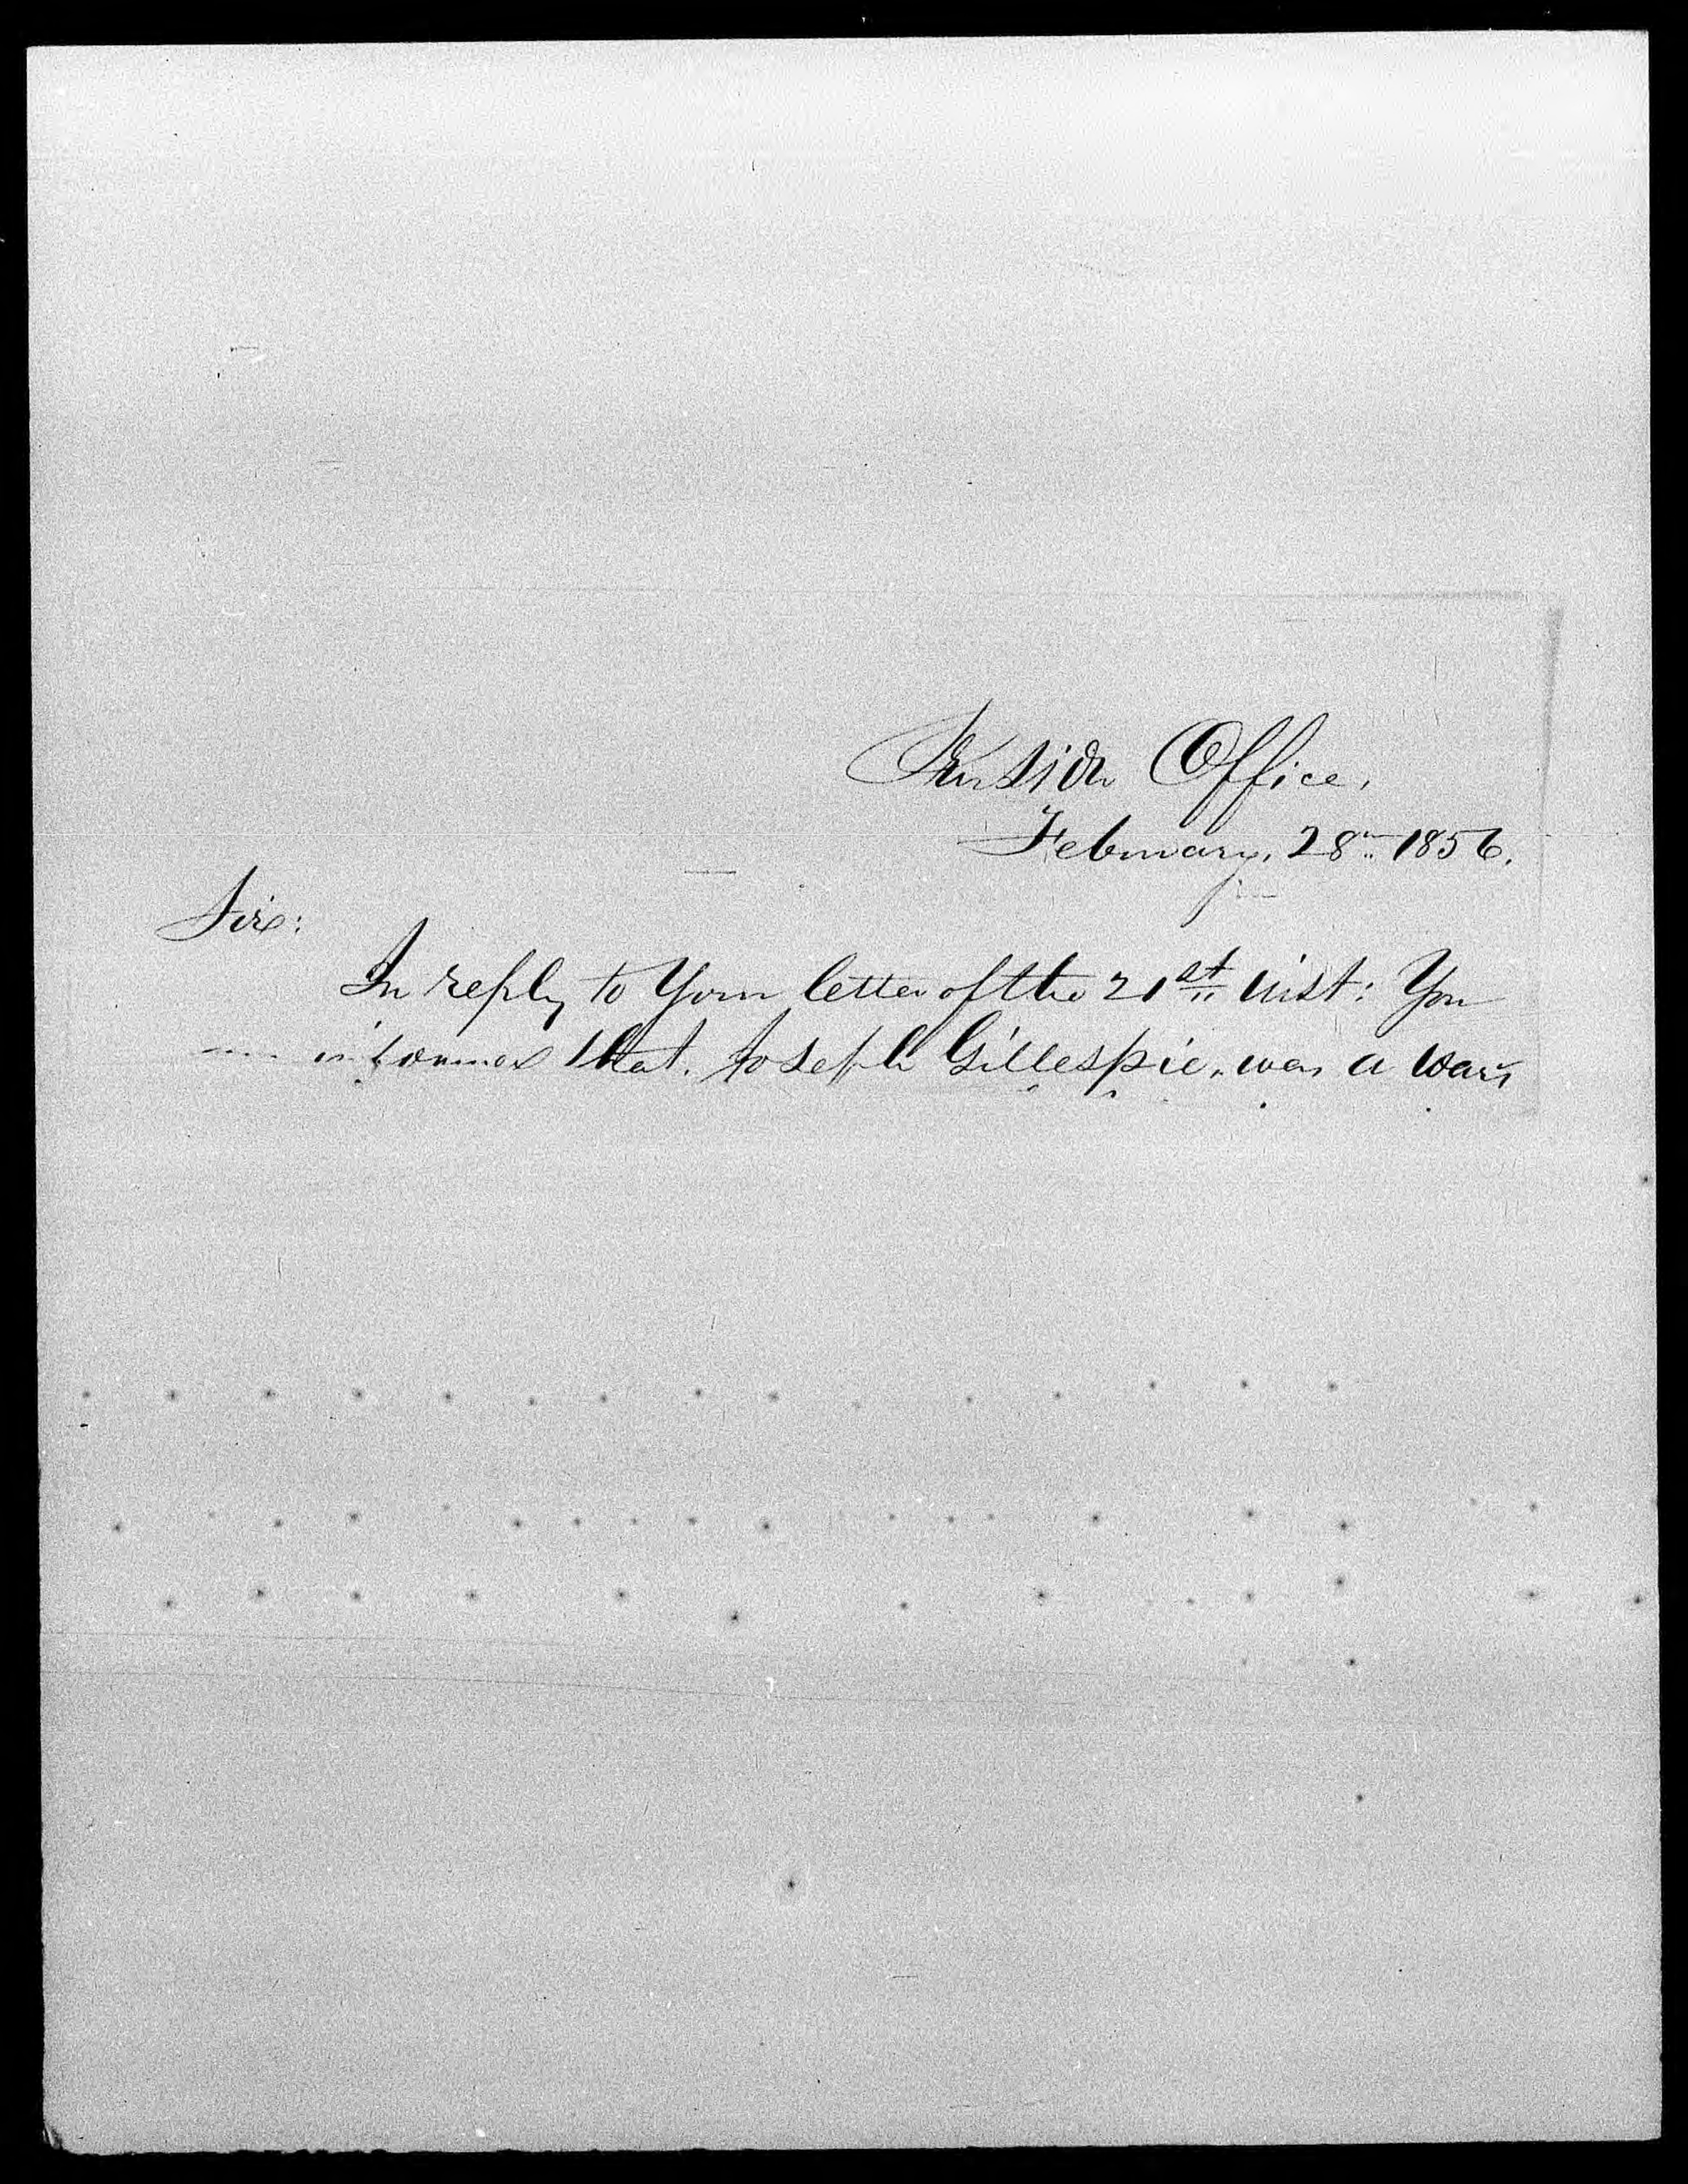ILLEGIBLE Office 
February 28th 1856
Sir: 
In reply to your letter of the 20 st/11 unit: You ILLEGIBLE that Joseph Gillespie was a war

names: Joseph Gillespie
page: 23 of 58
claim: widow's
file: W. 25813, Jehiel Hull, Conn.